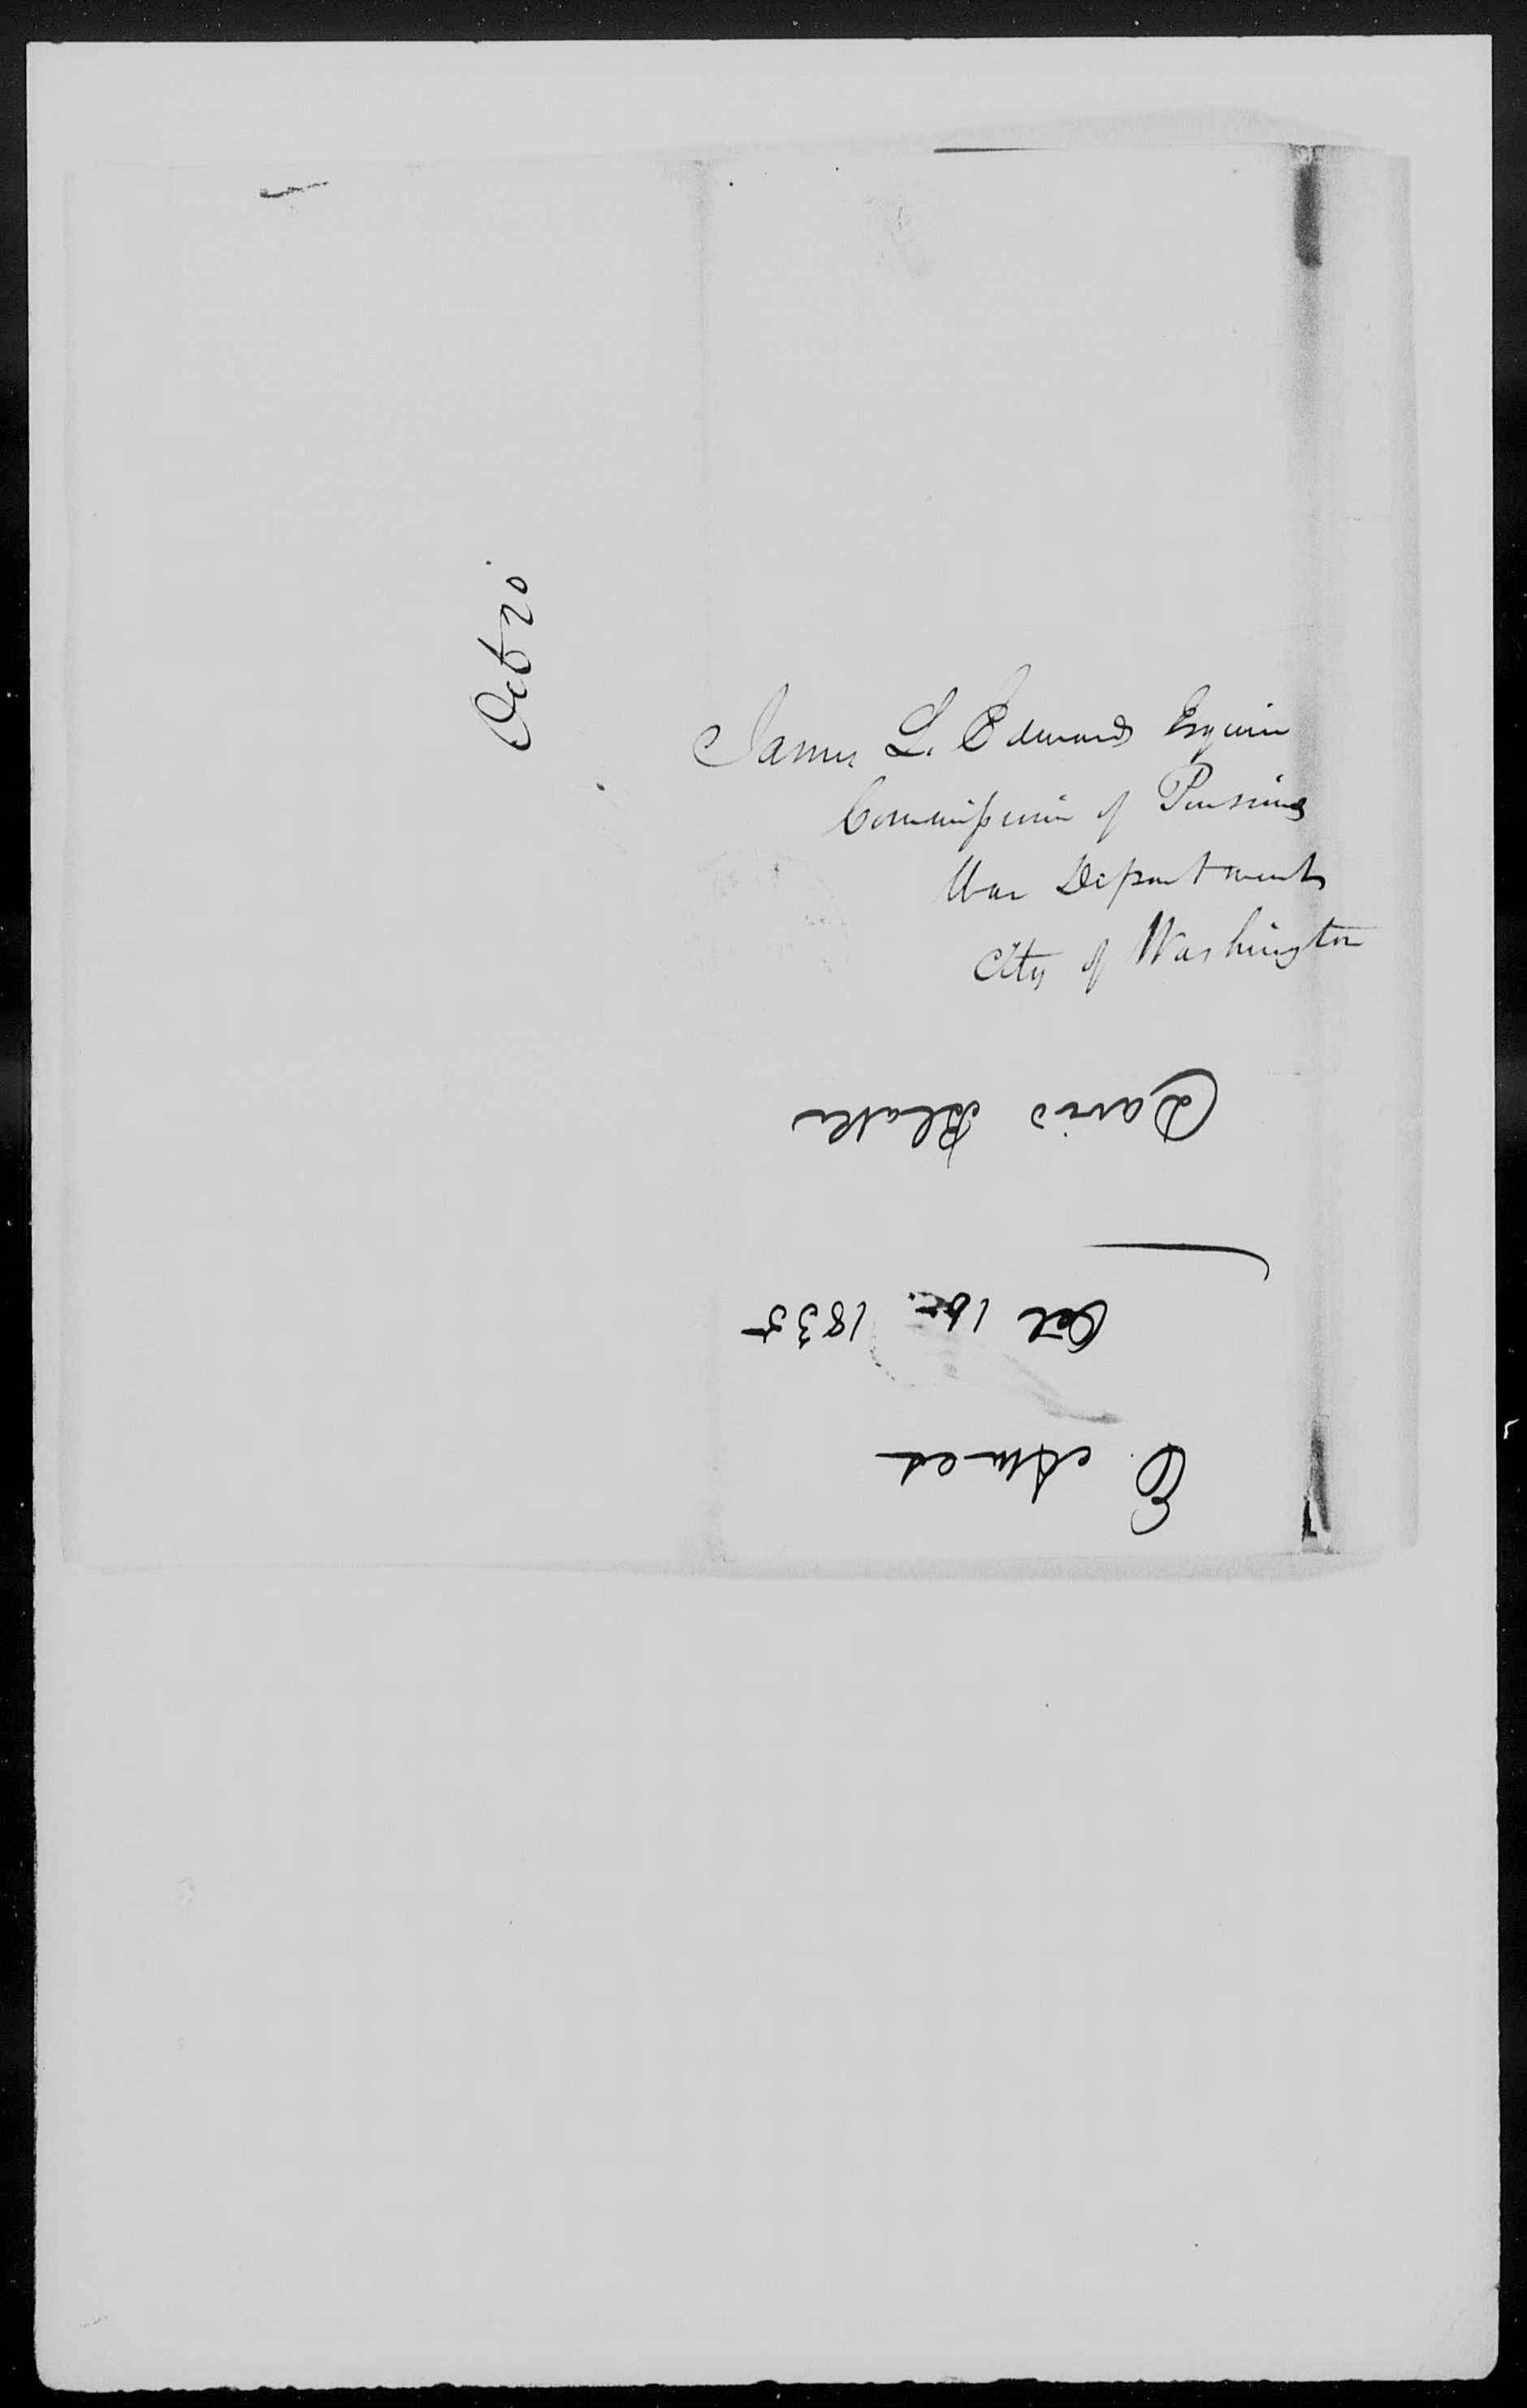James L. Edwards esquire
Commissioner of [illegible]
War Department
City of Washington

E [illegible]
Oct 16 1835
David Blake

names: David Blake, James L Edwards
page: 14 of 21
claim: survivor's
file: S. 23,128, David Blake, Conn.